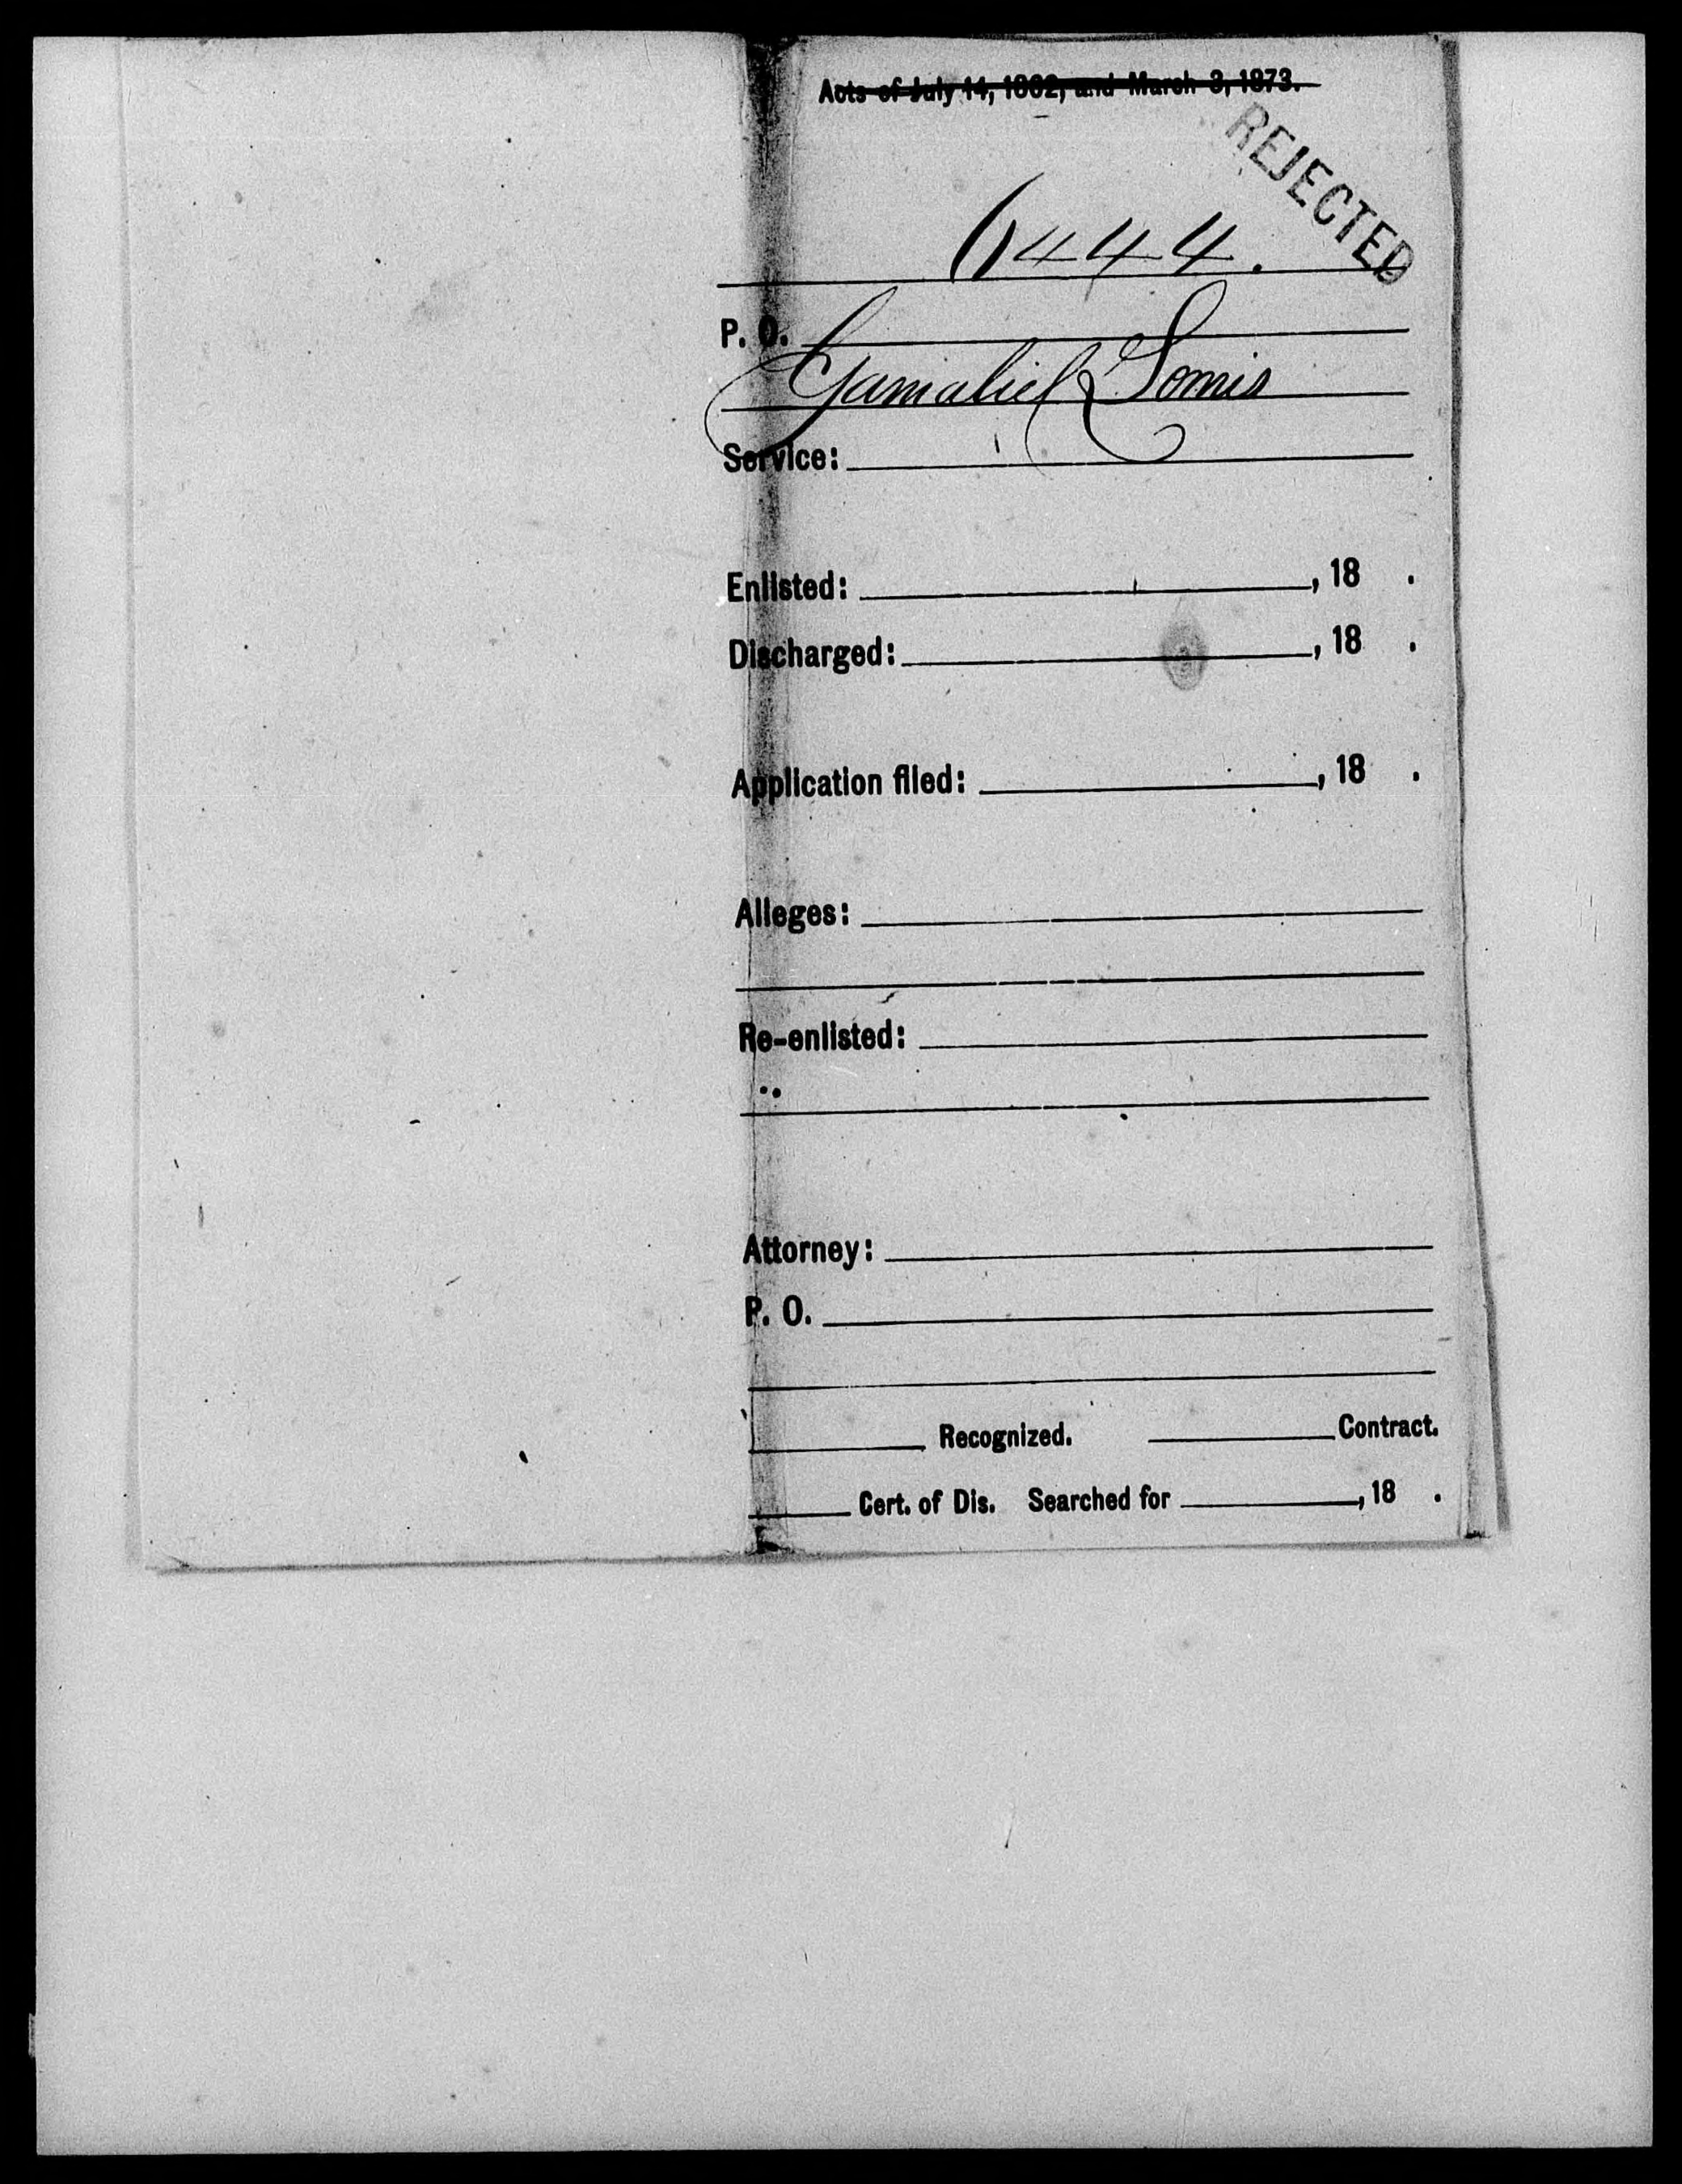[crossed out]
1444. REJECTED
Gamaliel Loomis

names: Gamaliel Lomis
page: 18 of 21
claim: rejected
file: R. 6444, for Gamaliel Loomis, Connecticut